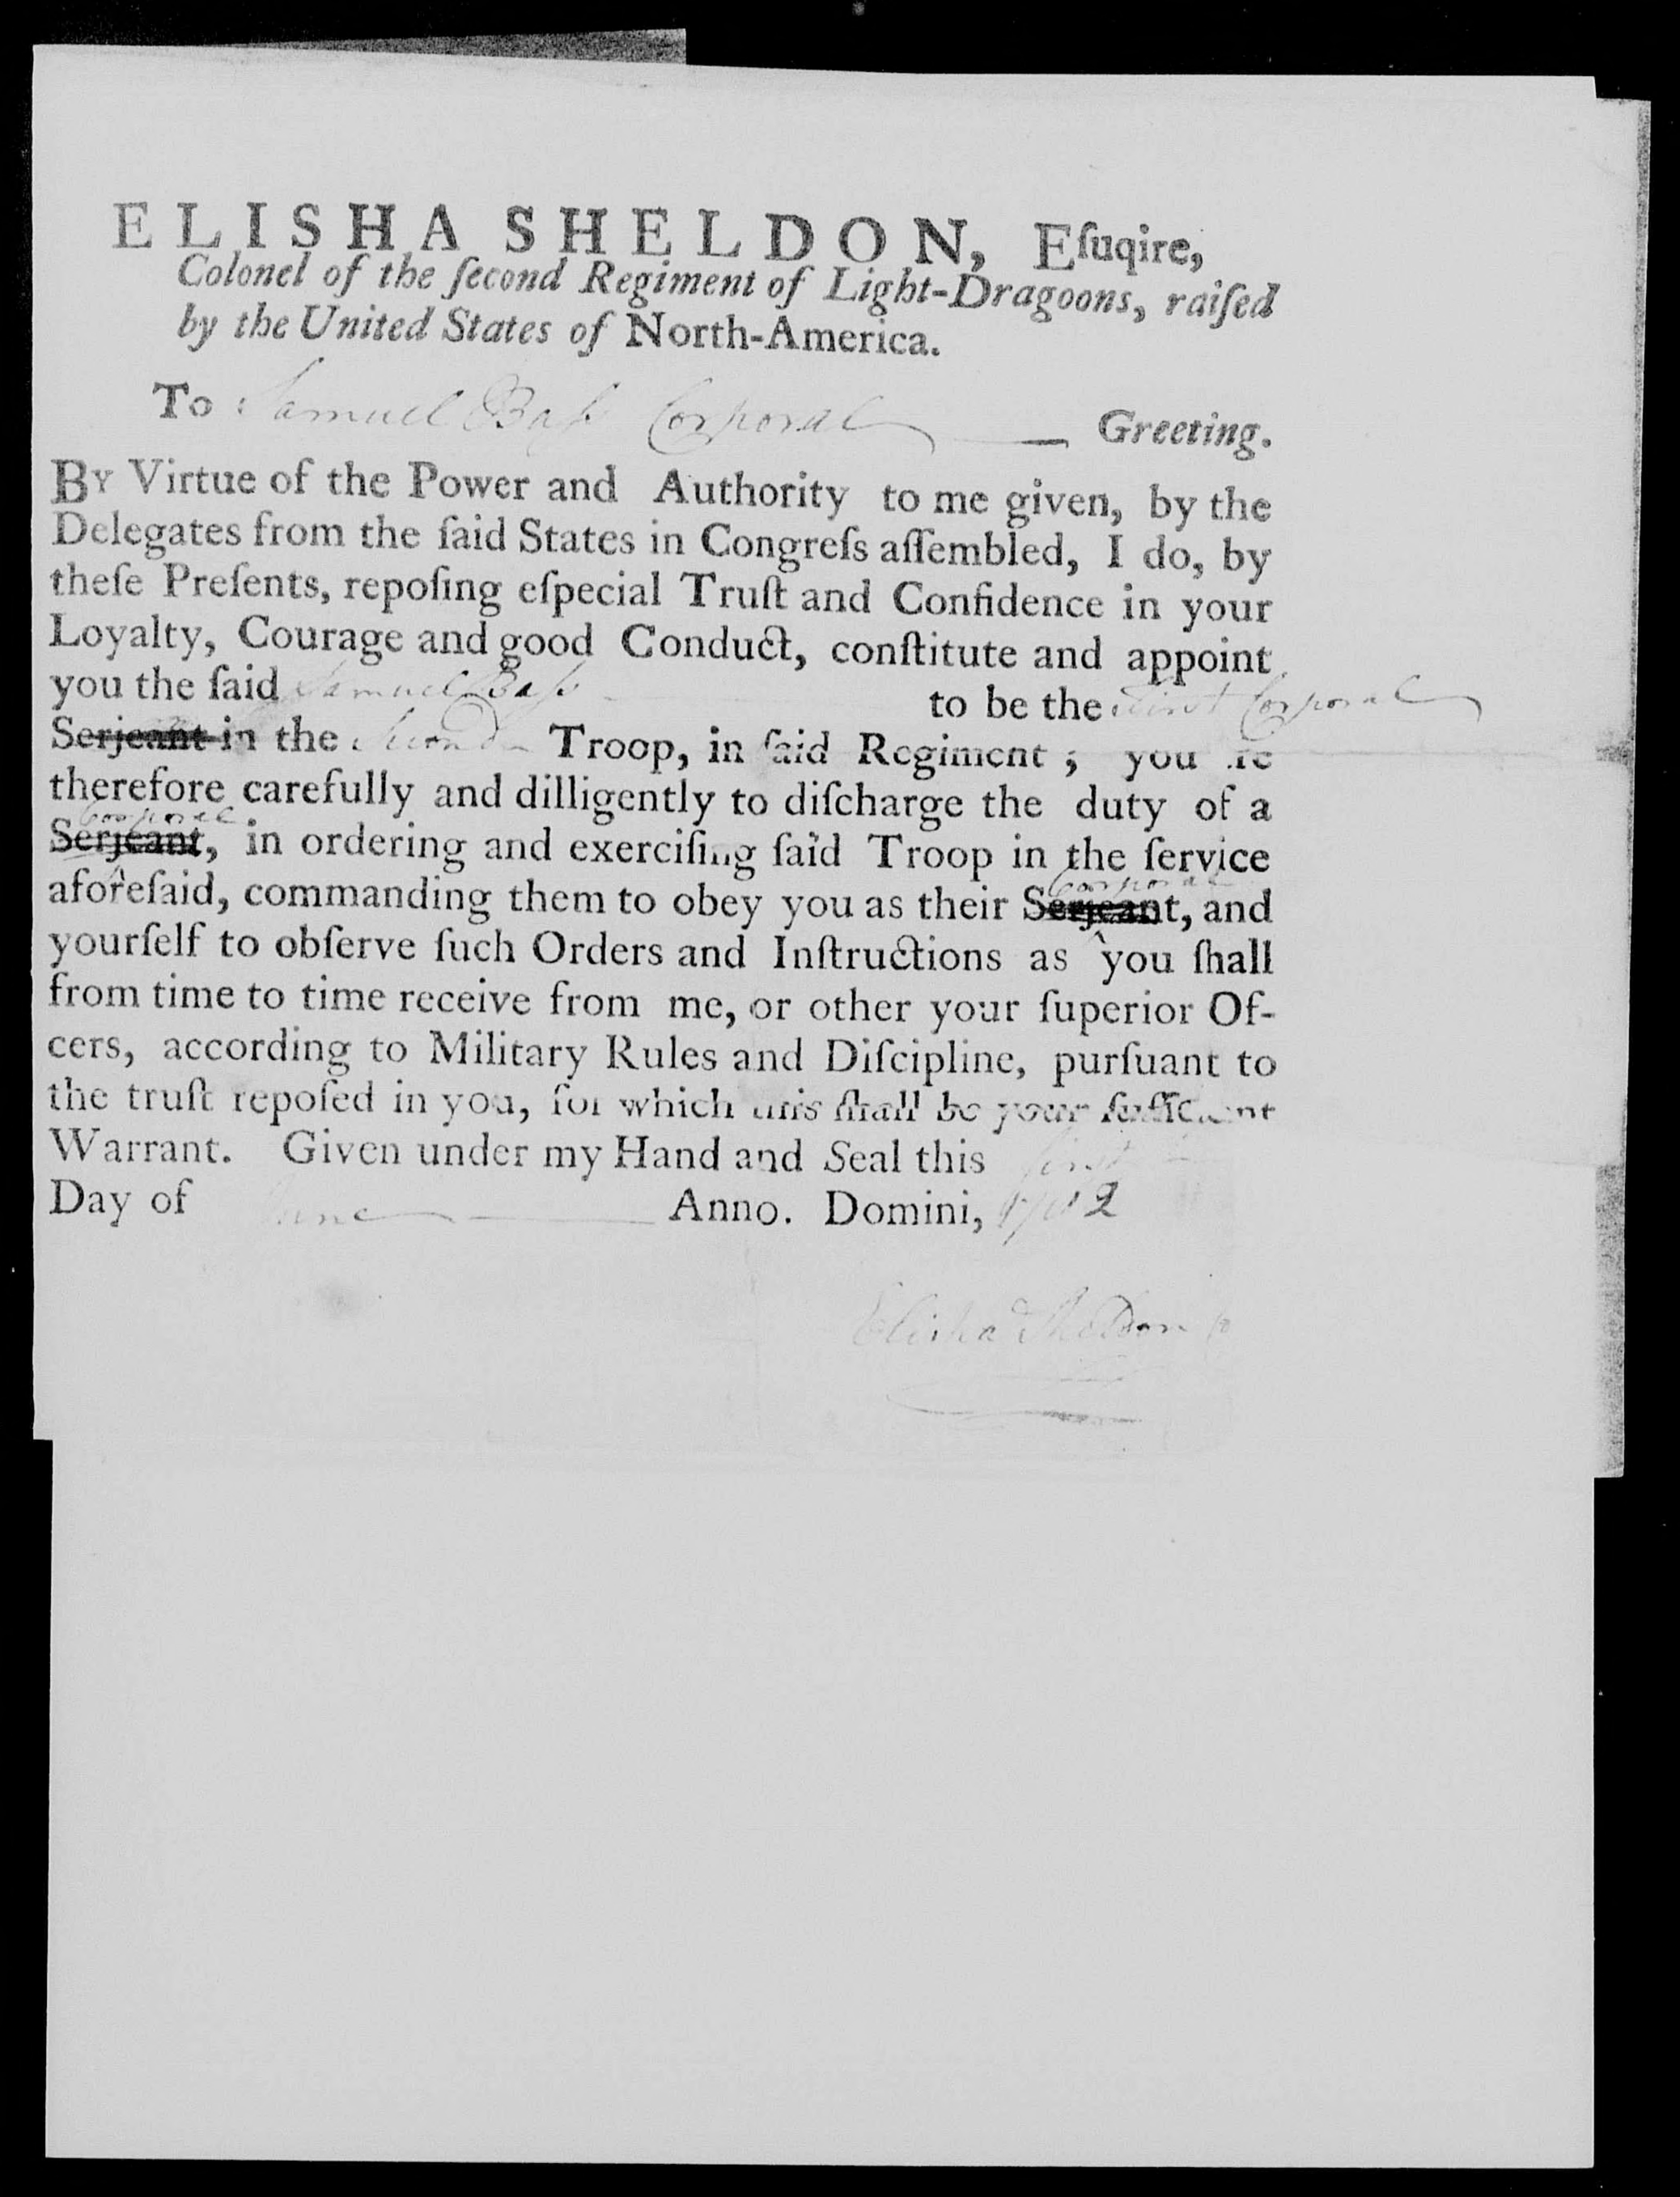ELISHA SHELDON, Esquire, Colonel of the second Regiment of Light-Dragoons, raised by the United States of North America. 
To Samuel Bass Corporal Greeting. 
BY Virtue of the Power and Authority to me given, by the Delegates from the said States in Congress assembled, I do, by these Presents, reposing especial Trust and Confidence in your Loyalty, Courage and good Conduct, constitute and appoint you the said Samuel Bass to be the First Corporal in the Second Troop, in said Regiment; you to therefore carefully and dilligently to discharge the duty of a Corporal, in ordering and exercising said Troop in the service aforesaid, commanding them to obey you as their Corporal, and yourself to observe such Orders and Instructions as you shall from time to time receive from me, or other your superior Officers , according to Military Rules and Discipline, pursuant to the trust reposed in you, for which this shall be your sufficient Warrant. Given under my Hand and Seal this first Day of June Anno. Domini, 17[?]2
[Signed] Elisha Sheldon [Col?]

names: Samuel Bass, Samuel Bass, Elisha Sheldon, Elisha Sheldon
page: 4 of 9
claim: bounty land warrant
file: B. L. Wt. 87-100, Samuel Bass, Continental